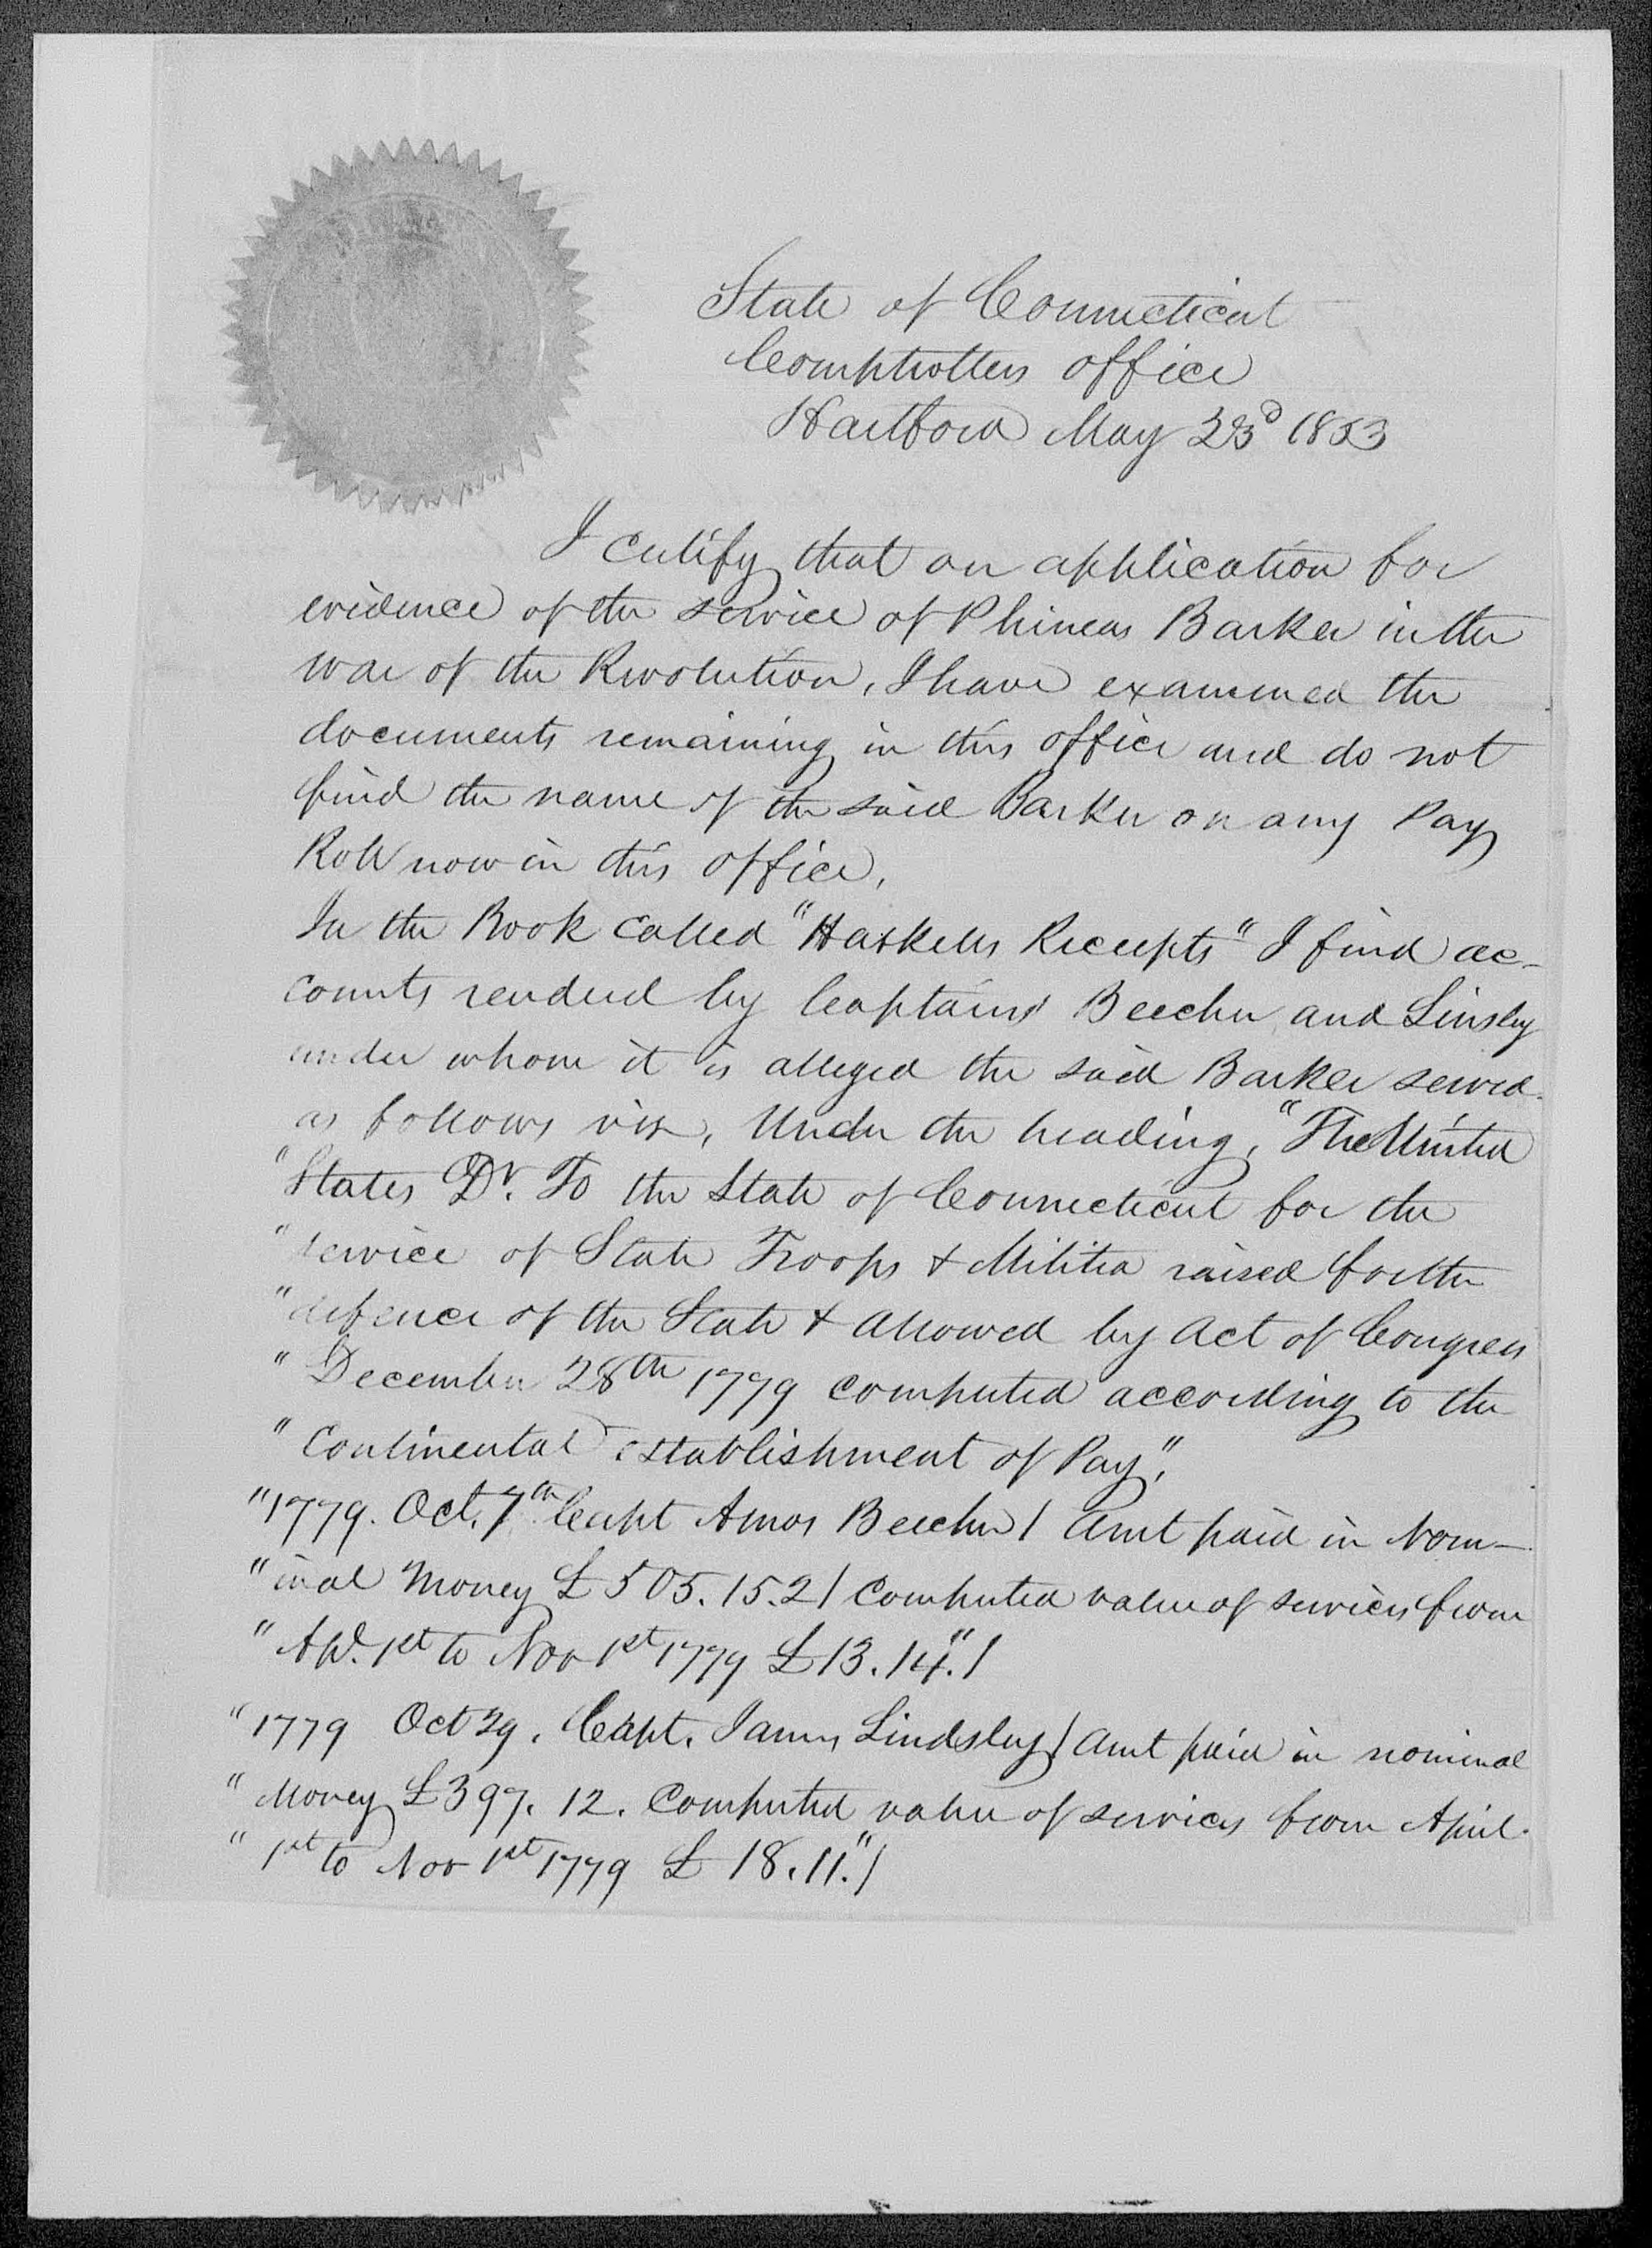State of Connecticut 
Comptrollers office 
Hartford May 23d 1853 
I certify that on application for evidence of the service of Phineas Barker in the war of the Revolution, I have examined the documents remaining in this office and do not find the name of the said Barker on any pay Roll now in this office.   
In the Book called "Haskells Receipts"  I find accounts rendered by Captains Beecher and Linsley under whom it is alleged the said Barker served follows viz, 
Under the heading, “The United States Dr to the State of Connecticut for the service of State Troops & Militia raised for the defence of the State & allowed by act of Congress December 28th 1799 computed according to the Continental establishment of Pay”  
"1779. Oct. 7th Capt Amos Beecher (Amt paid in Nominal money £505,15,21 (computed value of services from Apl 1st to Nov 1st 1779 £13. 14.)” 
“1779 Oct 29. Capt. James Lindsley (Amt paid in nominal Money £397,12, computed value of services from April 1st to Nov 1st 1779 £18.11)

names: James Lindsley, Amos Bucher, Linsley, Bucher, Barker, Phineas Barker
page: 32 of 35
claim: rejected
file: R. 501, Phineas Barker, Conn. Privateer